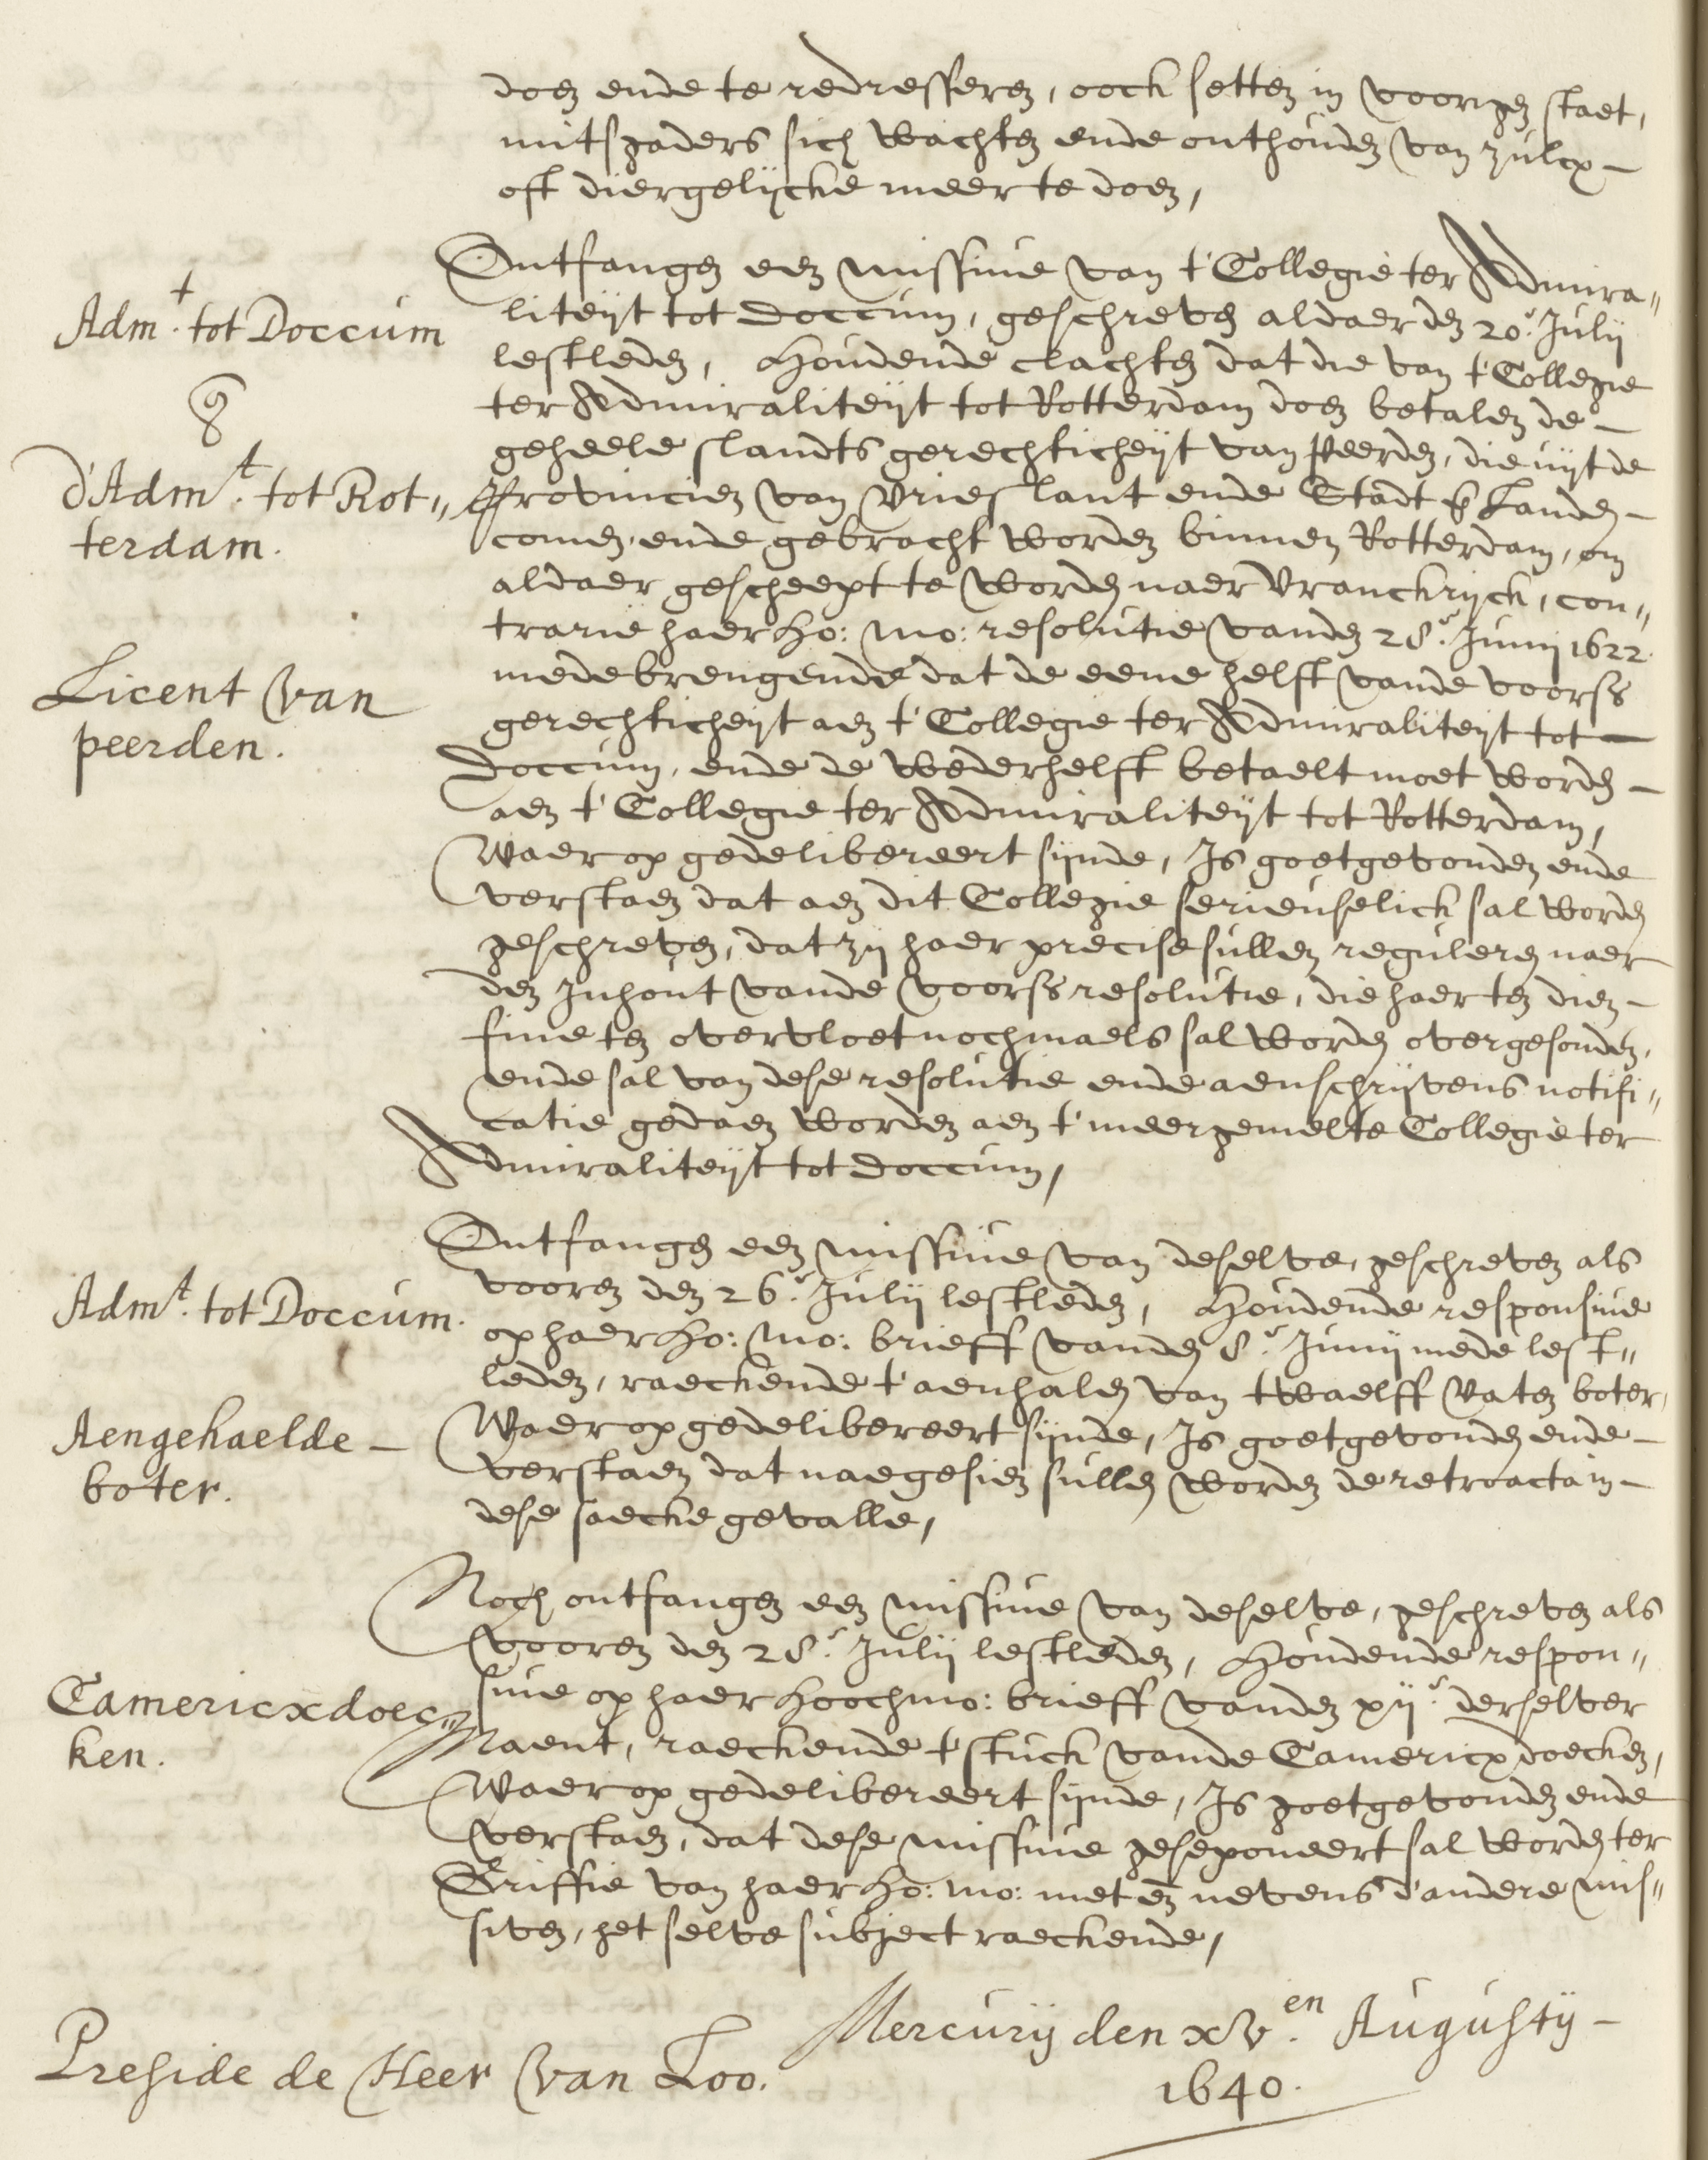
doen ende te redresseren, oock setten in voorigen staet,
mitsgaders sich wachten ende onthouden van zulcx —
oft diergelijcke meer te doen.
Admt. tot Doccum
q
d‛Admt. tot Rot„
terdam.
Licent van
peerden.
Ontfangen een Missive van t‛Collegie ter Admira„
liteijt tot Doccum, geschreven aldaer den 20e Julij
lestleden, Houdende clachten dat die van t‛Collegie
ter Admiraliteijt tot Rotterdam doen betalen de —
geheele slandts gerechticheijt van peerden, die uijt de
Provincien van Vrieslant ende Stadt & Landen —
comen ende gebracht worden binnen Rotterdam, om
aldaer gescheept te worden naer Vranckrijck, con„
trarie haer Ho:Mo: resolutie vanden 28e Junij 1622
medebrengende dat de eene helft vande voorss.
gerechticheijt aen t‛Collegie ter Admiraliteijt tot —
Doccum, ende de wederhelft betaelt moet worden —
aen t‛Collegie er Admiraliteijt tot Rotterdam,
Waerop gedelibereert sijnde, Is goetgevonden ende
verstaen dat aen dit Collegie serieuselick sal worden
geschreven, dat zij haer precise sullen reguleren naer
den Inhout vande voorss. resolutie, die haer ten dien —
fine ten overvloet nochmaels sal worden overgesonden,
ende sal van dese resolutie ende aenschrijvens notifi„
catie gedaen worden aen t‛meergemelte Collegie ter
Admiraliteijt tot Doccum.
Admt. tot Doccum
Aengehaelde —
boter.
Ontfangen een missive van deselve, geschreven als
vooren den 26e Julij lestleden, Houdende responsive
op haer Ho:Mo: brieff vanden 8e Junij mede lest„
leden, raeckende t'aenhalen van twaelff Vaten boter,
Waerop gedelibereert sijnde, Is goetgevonden ende —
verstaen dat naegesien sullen worden de retroacta in —
dese saecke gevalle.
Camericxdoec„
ken.
Noch ontfangen een missive van deselve, geschreven als
vooren den 28e Julij lestleden, Houdende respon„
sive op haer Hoochmo: brieff vanden XIIe derselver
Maent, raeckende t‛stuck vande Camericx doecken,
Waerop gedelibereert sijnde, Is goetgevonden ende
verstaen, dat dese missive geseponeert sal worden ter
Griffie van haer Ho:Mo: met en nevens d‛andere mis„
siven, het selve subject raeckende.
Mercurij den XVen Augustij
1640.
Preside de Heer van Loo.
